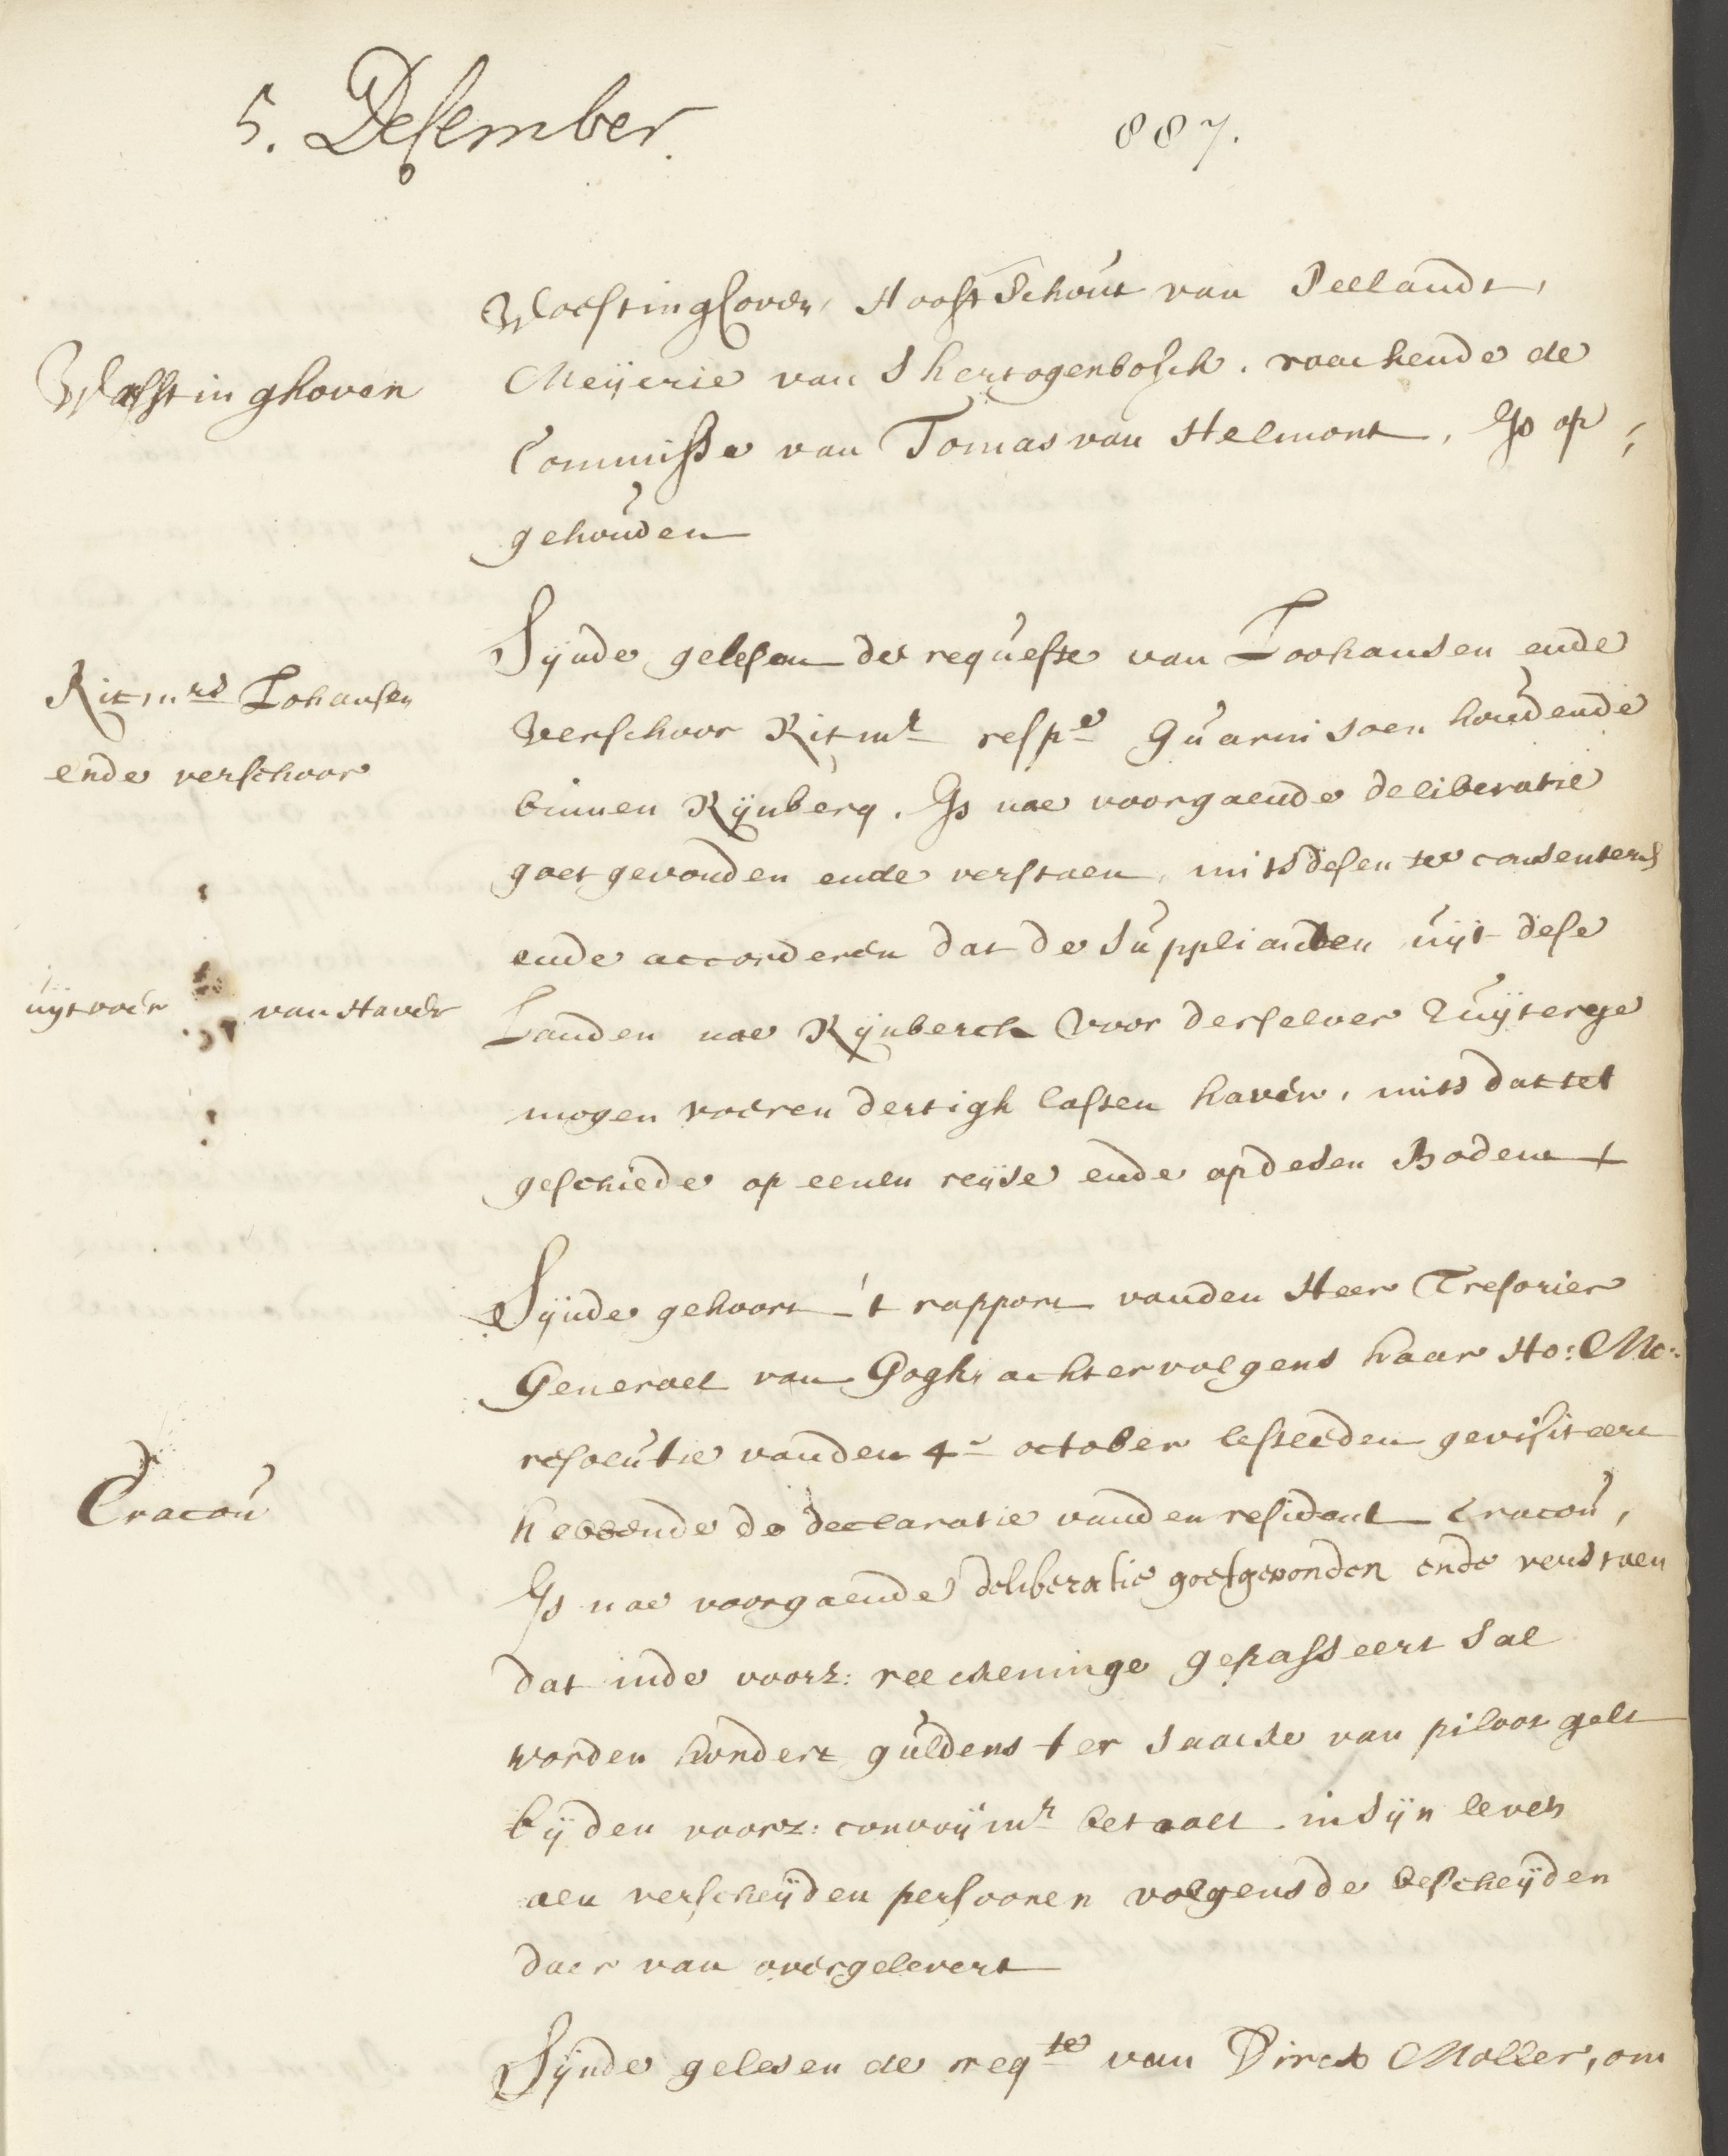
887.
5. December.
Woestinghoven
Ritmrs Lohansen
ende verschoor
Woestinghoven, Hooftschout van Peelandt,
Meijerie van shertogenbosch, raackende de
Commisse van Tomas van Helmont, Is op„
gehouden
uijtvoer van Haver
Sijnde gelesen de requeste van Loohansen ende
verschoor Ritmr respe. Guarnisoen houdende
binnen Rijnberg. Is nae voorgaende deliberatie
goet gevonden ende verstaen, mitsdesen te consenteren
ende accorderen dat de supplianten uijt dese
Landen nae Rijnberck voor derseluer ruijterye
mogen voeren dertigh lasten haver, mits dattet
geschiede op eenen reijse ende op desen Bodem+
Cracau
Sijnde gehoort 't rapport vanden Heer Tresorier
Generael van Gogh, achtervolgens haar Ho:Mo:
resolutie vanden 4e october lestleden gevisiteert
hebbende de declaratie vanden resident cracou,
Is nae voorgaende deliberatie goetgevonden ende verstaen
dat inde voorz: reeckeninge gepasseert sal
worden hondert guldens ter saacke van pilootgelt
bij den voorz: convoijmr betaalt in sijn leven
aen verscheijden persoonen volgens de bescheijden
daer van overgelevert
Sijnde gelesen de reqte van Dirck Moller, om
